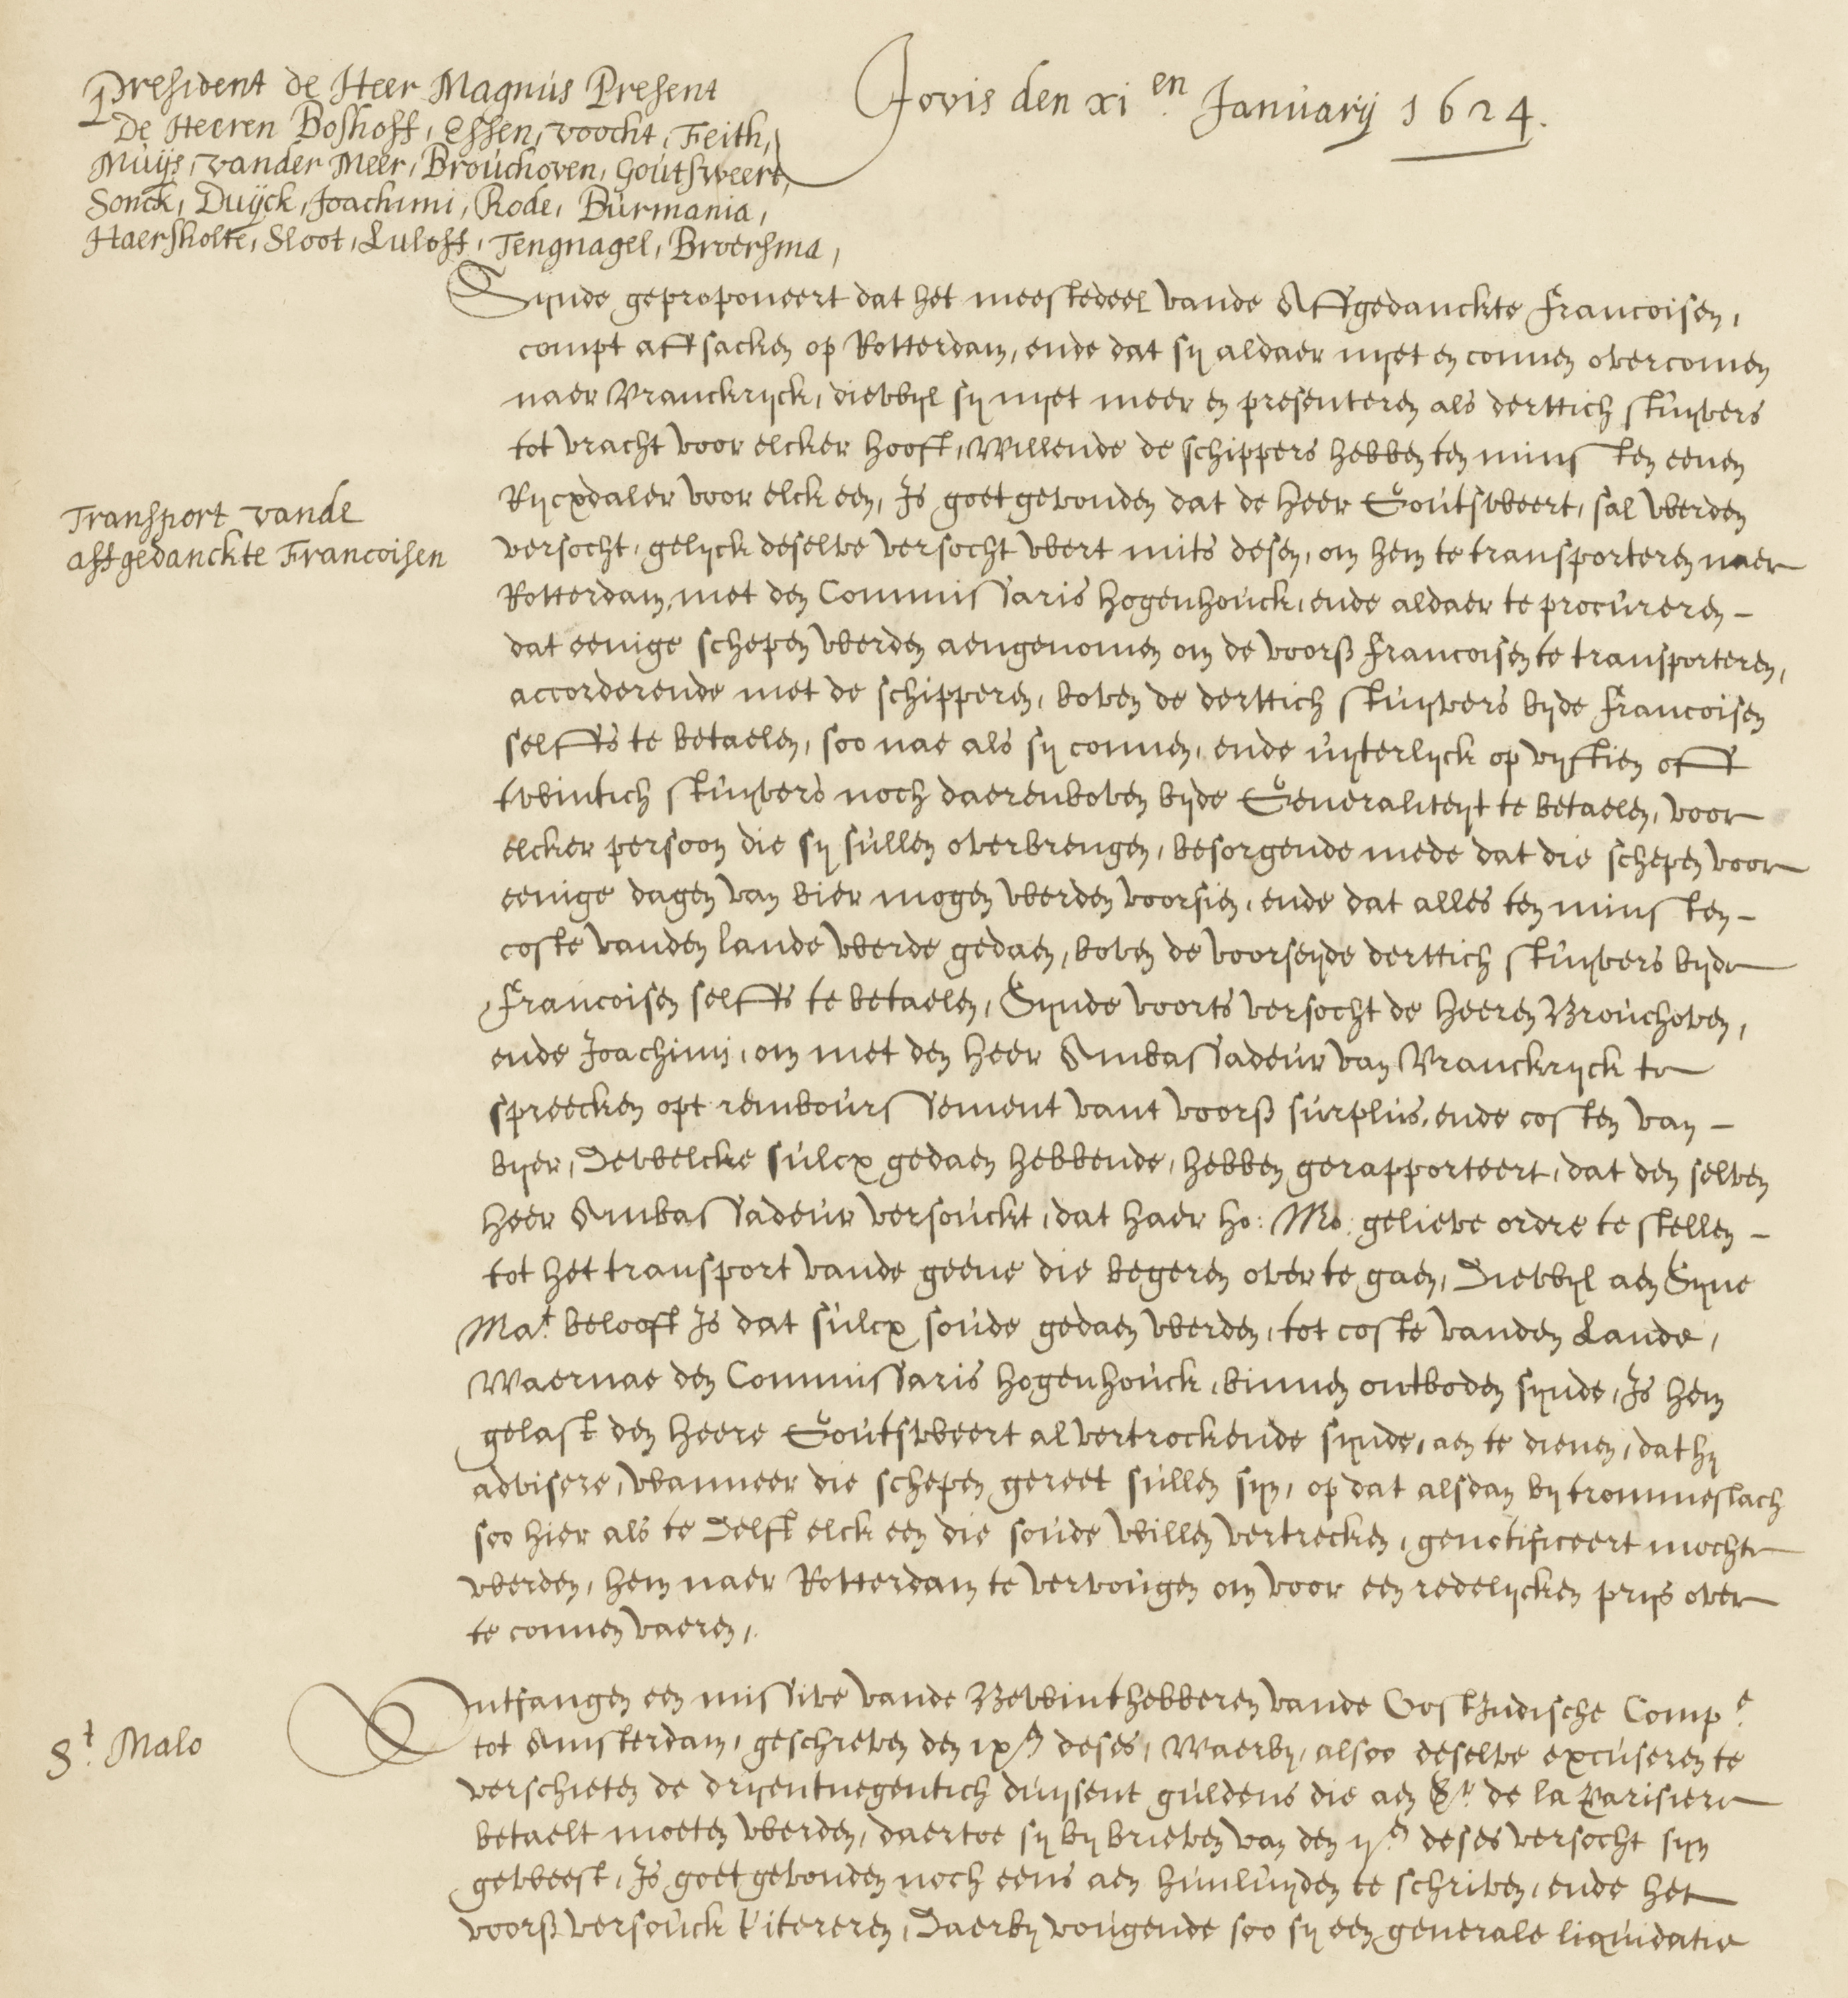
Jovis den xien. Januarij 1624.
President de Heer Magnus Present
De Heeren Boshoff, Essen, voocht, Feith,
Muijs, vander Meer, Brouchoven, Goutsweert,
Sonck, Duijck, Joachimi, Rode, Burmania,
Haersholte, Sloot, Luloff, Tengnagel, Broersma,
Transport vande
affgedanckte Francoisen
Synde geproponeert dat het meestedeel vande Affgedanckte francoisen,
compt affsacken op Rotterdam, ende dat sy aldaer nyet en connen overcomen
naer Vranckryck, diewyl sy nyet meer en presenteren als derttich stuyvers
tot vracht voor elcker hooft, Willende de schippers hebben ten minsten eenen
Rijcxdaler voor elck een, Is goetgevonden dat de heer Goutsweert, sal werden
versocht, gelyck deselve versocht wert mits desen, om hem te transporteren naer
Rotterdam met den Commissaris hogenhouck, ende aldaer te procureren —
dat eenige schepen werden aengenomen om de voors francoisen te transporteren,
accorderende met de schipperen, boven de derttich stuyvers byde francoisen
selffs te betaelen, soo nae als sy connen, ende uyterlyck op vyftien off
twintich stuyvers noch daerenboven byde Generaliteyt te betaelen, voor
elcker persoon die sy sullen overbrengen, besorgende mede dat die schepen voor
eenige dagen van bier mogen werden voorsien, ende dat alles ten minsten -
coste vanden lande werde gedaen, boven de voorseyde derttich stuyvers byde
francoisen selffs te betaelen. Synde voorts versocht de heeren Brouchoven,
ende Joachimi, om met den heer Ambassadeur van Vranckryck te
spreecken opt rembourssement vant voors surplus, ende costen van -
byer, Dewelcke sulcx gedaen hebbende, hebben gerapporteert, dat den selven
heer Ambassadeur versouckt, dat haer ho:Mo: gelieve ordre te stellen -
tot het transport vande geene die begeren over te gaen, Diewyl aen Syne
Mat. belooft Is dat sulcx soude gedaen werden, tot coste vanden Lande.
Waernae den Commissaris hogenhouck, binnen ontboden synde, Is hem
gelast den heere Goutsweert al vertrockende synde, aen te dienen, dat hy
advisere, wanneer die schepen gereet sullen syn, op dat alsdan bij trommeslach
soo hier als te Delft elck een die soude willen vertrecken, genotificeert mochte
werden, hem naer Rotterdam te vervougen om voor een redelycken prys over
te connen vaeren.
St. Malo
Ontfangen een missive vande Bewinthebberen vande OostIndische Compe
tot Amsterdam, geschreven den ixen. deses, Waerby, alsoo deselve excuseren te
verschieten de dryentnegentich duysent guldens die aen Sr. de la Parisiere
betaelt moeten werden, daertoe sy by brieven van den ijen. deses versocht syn
geweest. Is goet gevonden noch eens aen hunluyden te schriven, ende het
voors versouck t‛itereren, Daerby vougende soo sy een generale liquidatie
